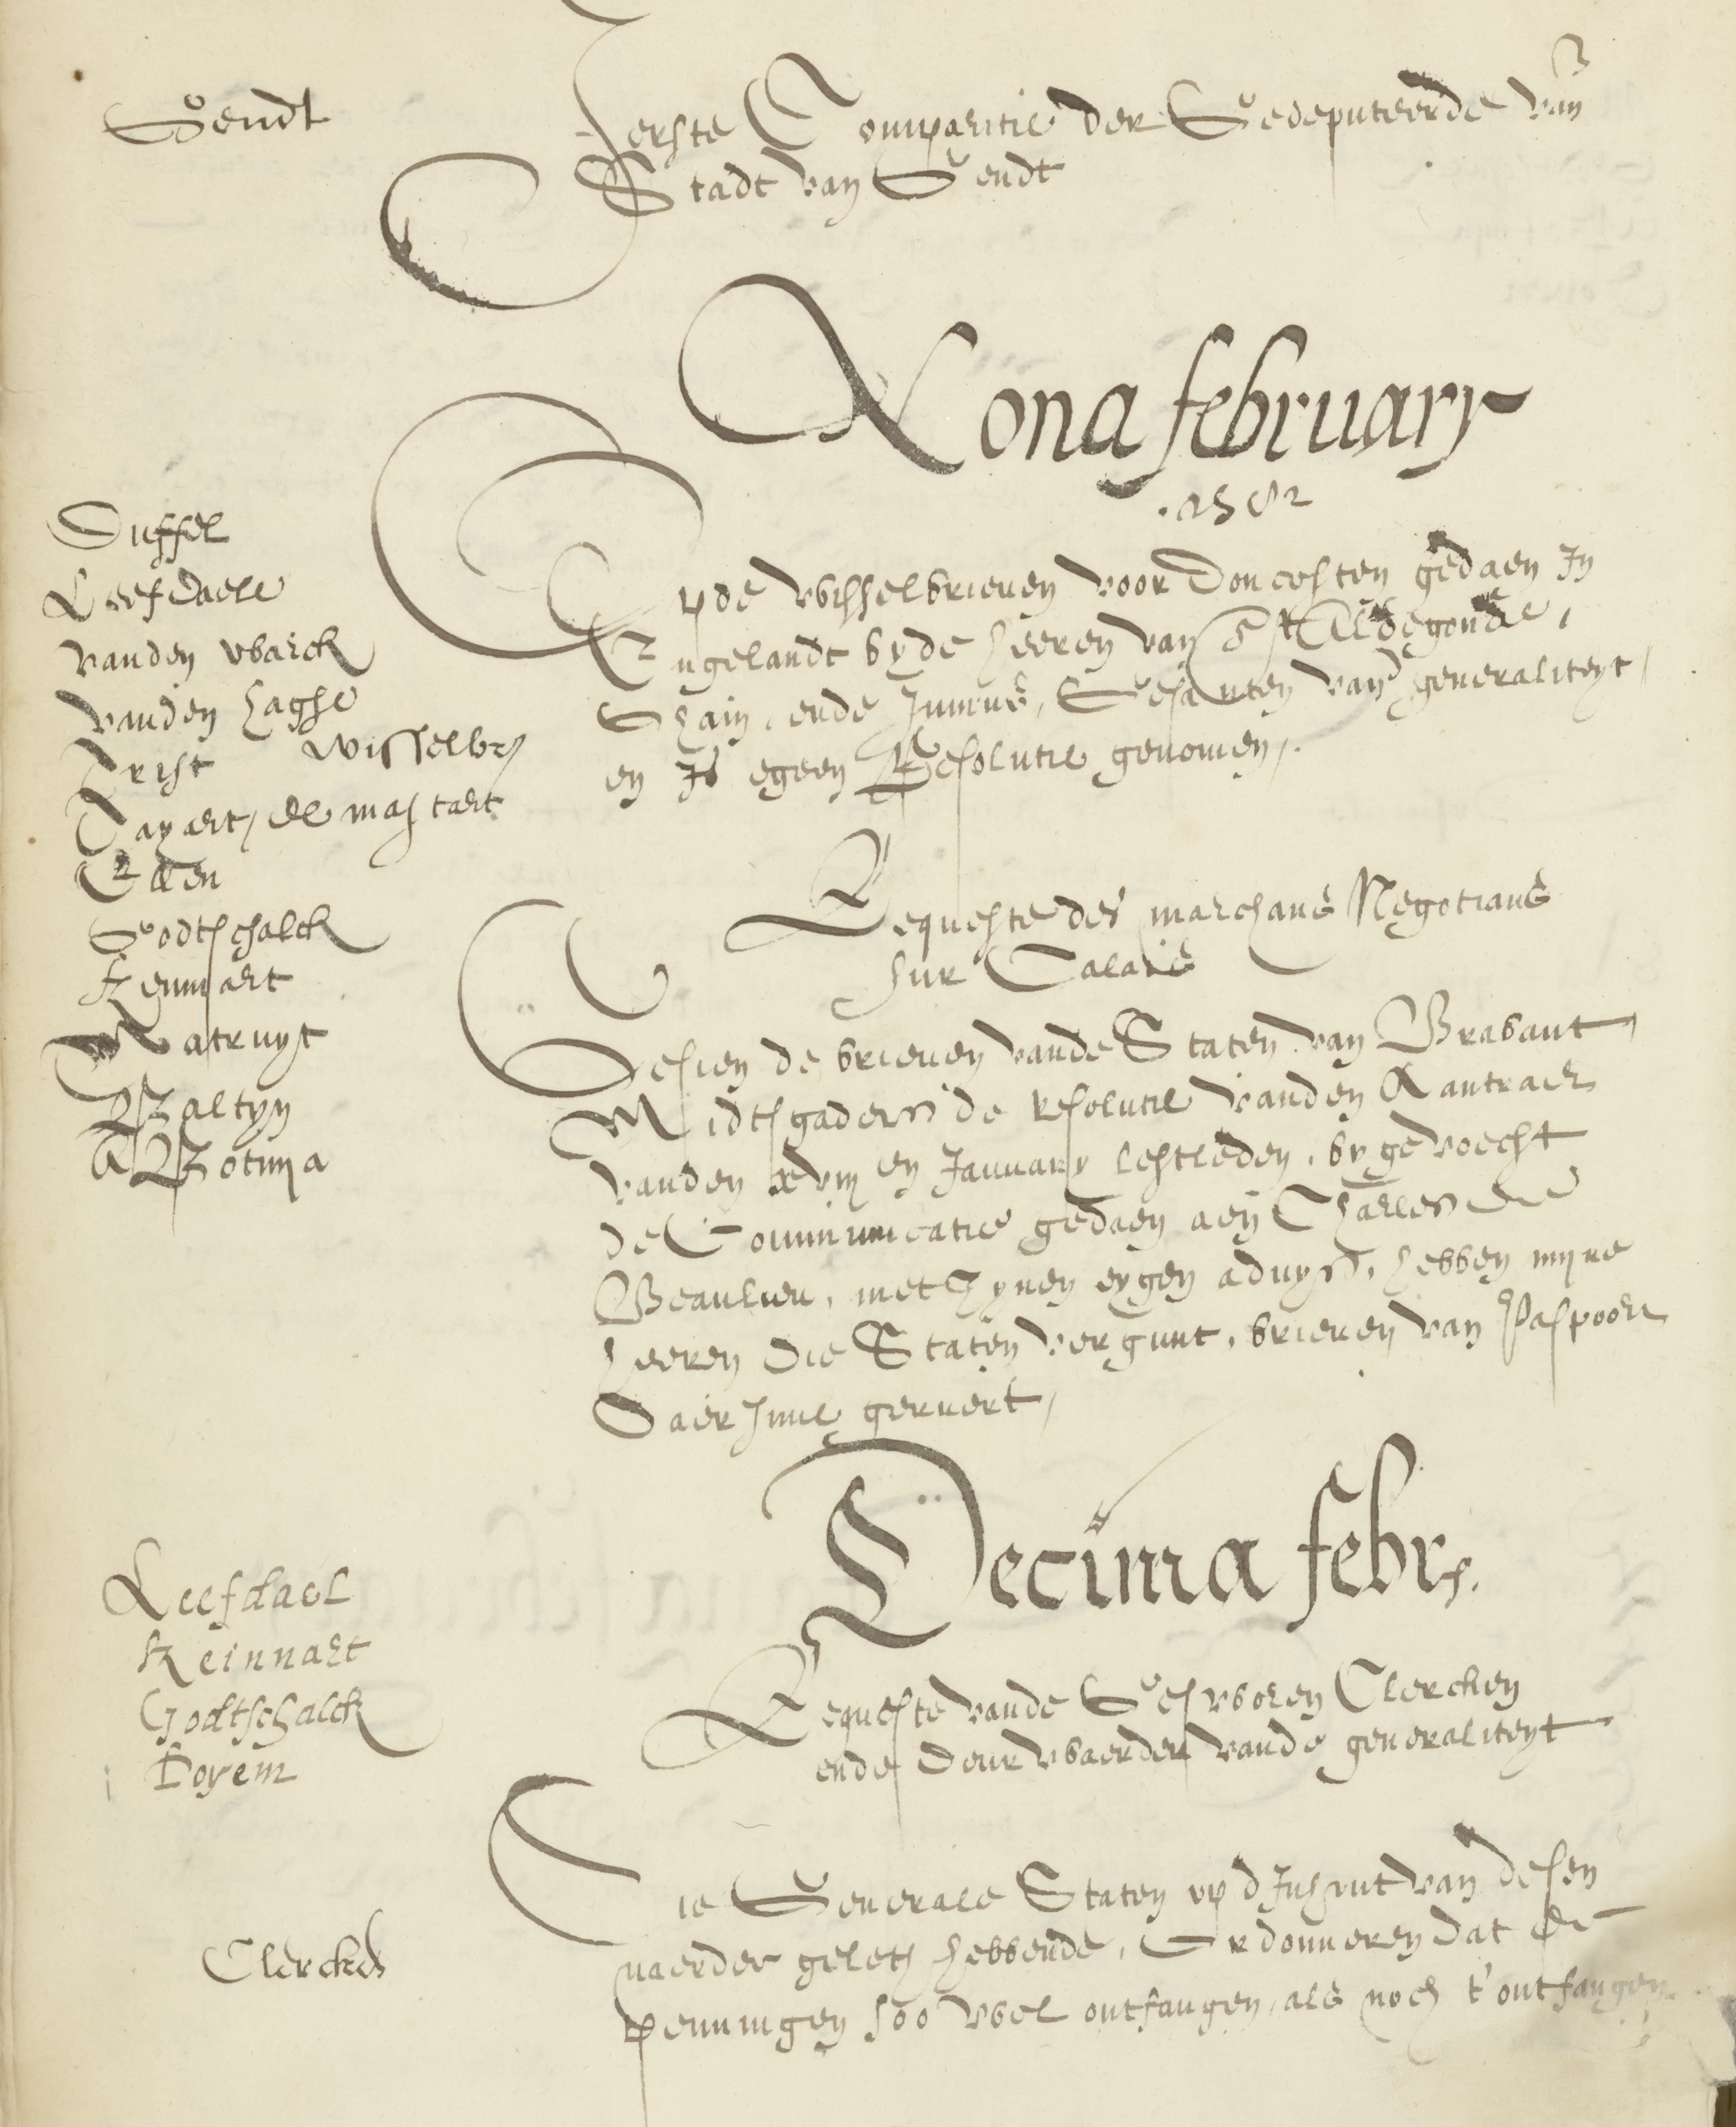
Gendt
Eerste Comparitie der Gedeputeerde van
Stadt van Gendt
Nona February
1582
Duffel
Leefdaele
vanden Waick
vanden Haghe
Trist wisselbr
Tayaert, de mastaert
Caen
Godtschalck
Keinnaert
Matruyt
Baltyn
A Botnya
Opde wisselbrieuen voor Doncosten gedaen in
Engelandt by de heeren van St Aldegonde,
Ghain, ende Junius, Gesanten van generaliteyt,
en is egeen Resolutie genomen.
Requeste des marchans Negotians
sur Calais
Gesien de brieun vande Staten van Brabant
Midtsgaders de resolutie vanden Aautraet
vanden xviiien January lestleden, by gevoecht
de Communicatie gedaen aen Charles de
Beaulieu, met zynen eygen aduys, hebben myne
heeren die Staten vergunt, brieuen van Paspoort
DaerInne geruert.
Decima febr.
Leefdael
Keinnart
Godtschalck
Doyem
Clercken
Requeste vande Gesworen Clercken
ende deurwaerder vande generaliteyt
Die Generale Staten op d'inhaut van desen
naerder geleth hebbende, Ordonneren dat de
penningen soo wel ontfangen, als noch t'ontfangen
